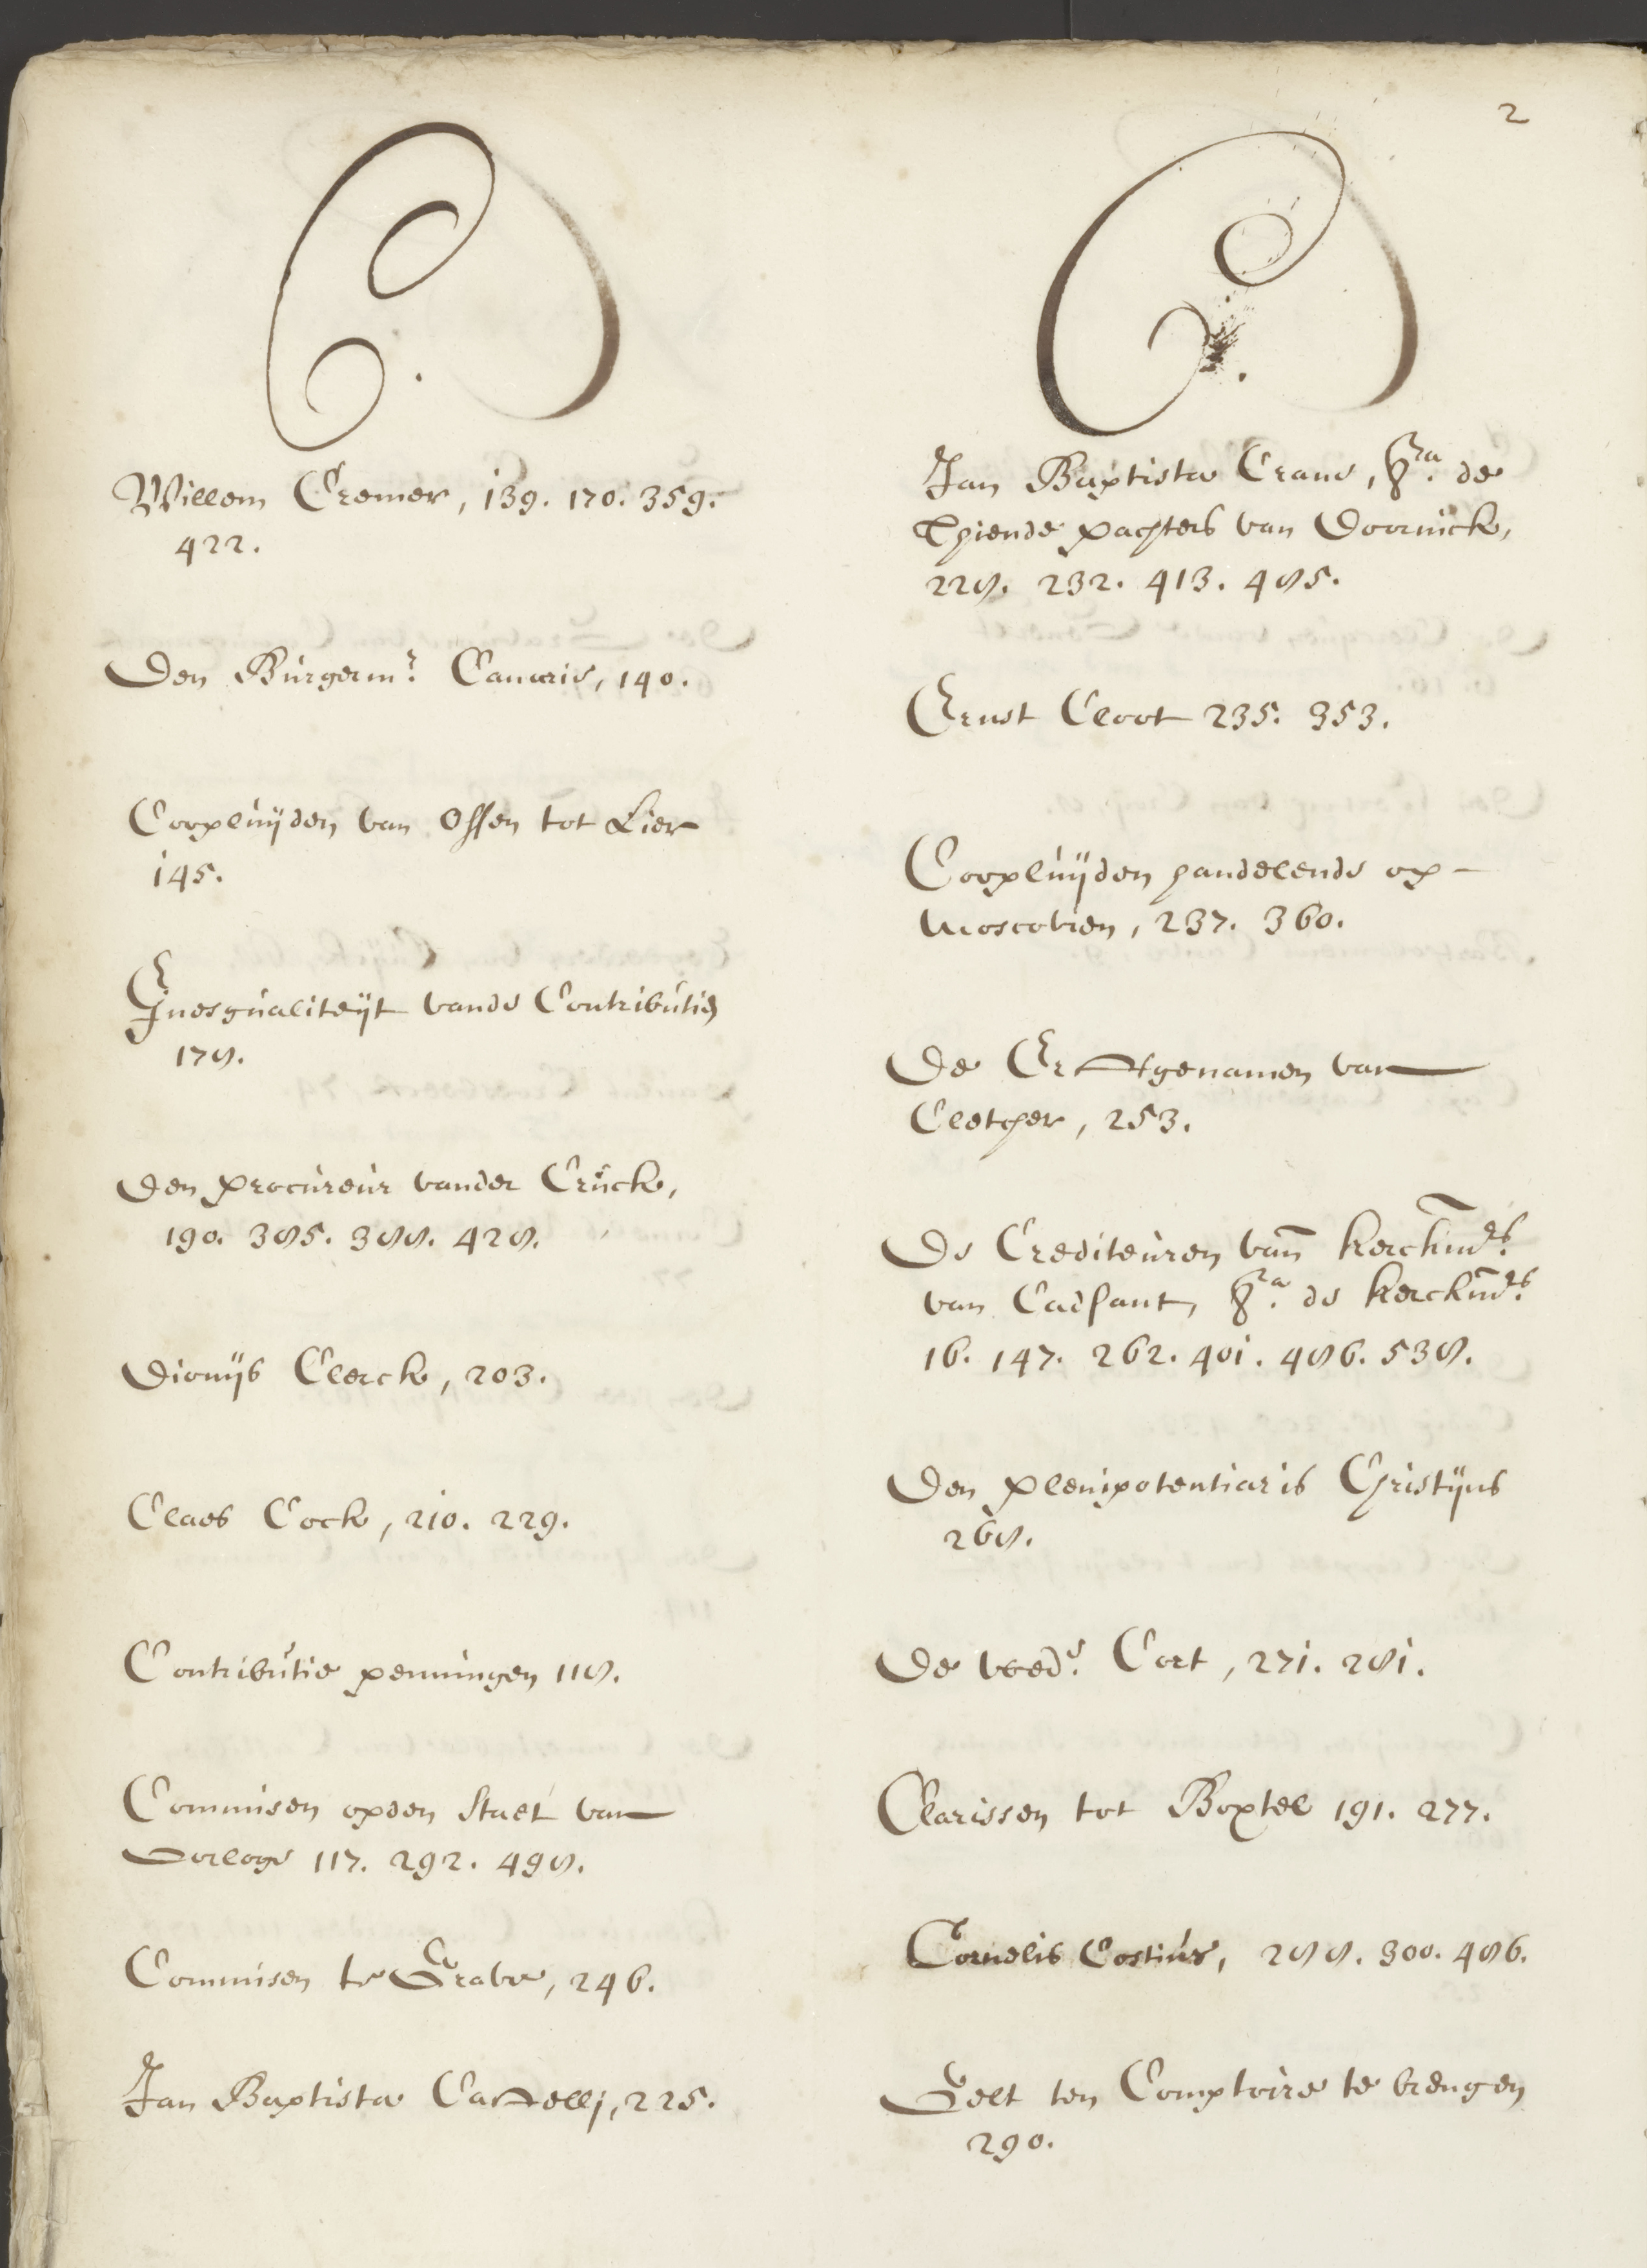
2
C.
Willem Cremer, 139, 170, 359,
422.
Den Burgermr. Canaris, 140.
Coopluijden van Ossen tot Lier
145.
Inesqualiteijt vande Contributien
178.
Den procureur vander Cruck,
190, 385, 388, 428.
Dionijs Clerck, 203.
Claes Cock, 210, 229.
Contributie penningen 118.
Commisen opden Staet van
Oorloge 117, 292, 498.
Commisen te Grave, 246.
Jan Baptista Castelli, 225
C
Jan Baptista Crane, ca. de
Thiende pachters van Doornick,
228, 232, 413, 485.
Ernst Cloot 235, 353.
Coopluijden handelende op -
Moscovien, 237, 360.
De Erffgenamen van
Cletcher, 253.
De Crediteuren van kerckmrs.
van Cadsant, ca. de kerckmrs.
16, 147, 262, 401, 486, 538.
Den plenipotentiaris Cristijns
268.
De wede. Cort, 271, 281.
Clarissen tot Boxtel 191, 277.
Cornelis Costius, 288, 300, 486.
Gelt ten Comptoire te brengen
290.
